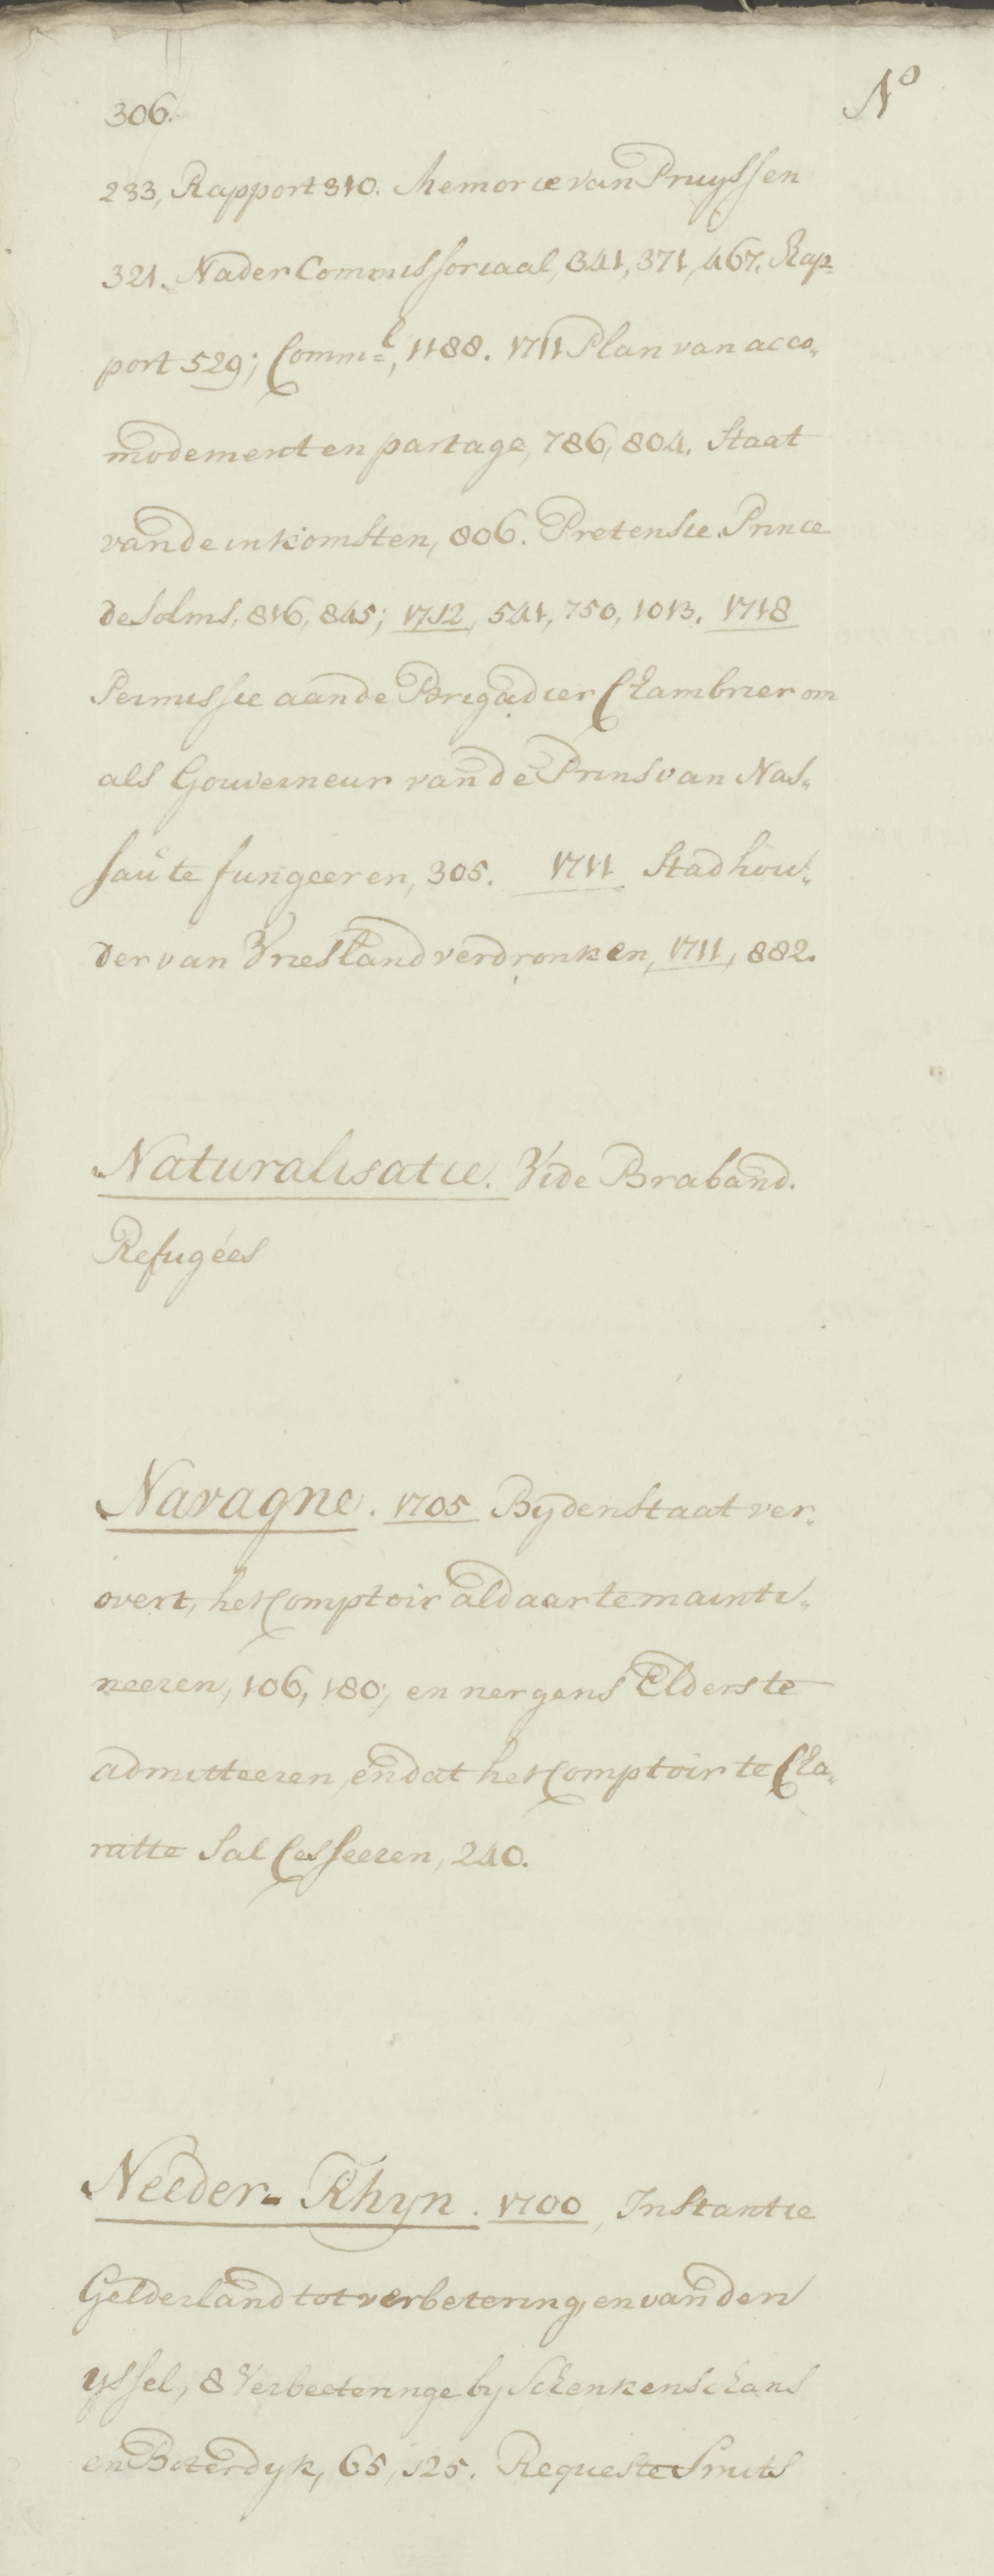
306.
N
233, Rapport 310. Memorie van Pruyssen
321. Nader Commissoriaal, 341, 371, 467, Rap„
port 529; Comml., 1188. 1711. Plan van acco,,
modement en partage, 786, 804, Staat
vande inkomsten, 806. Pretensie Prince
de Solms, 816, 845; 1712, 541, 750, 1013, 1718
Permissie aan de Brigadier Chambrier om
als Gouverneur van de Prins van Nas,,
sau te fungeeren, 305. 1711 Stadhou„
der van Vriesland verdronken, 1711, 882.
Naturalisatie. Vide Braband.
Refugées
Navagne. 1705 Bij den staat ver,,
overt, het comptoir aldaar te mainti„
neeren,106, 180; en nergens Elders te
admitteeren, en dat het comptoir te Cla,,
ratte sal cesseeren, 240.
Needer-Rhyn, 1700, Instantie
Gelderland tot verbeteringen van den
yssel, 8 Verbeeteringe by Schenkenschans
en Boterdyk, 65, 125. Requestes Smits
